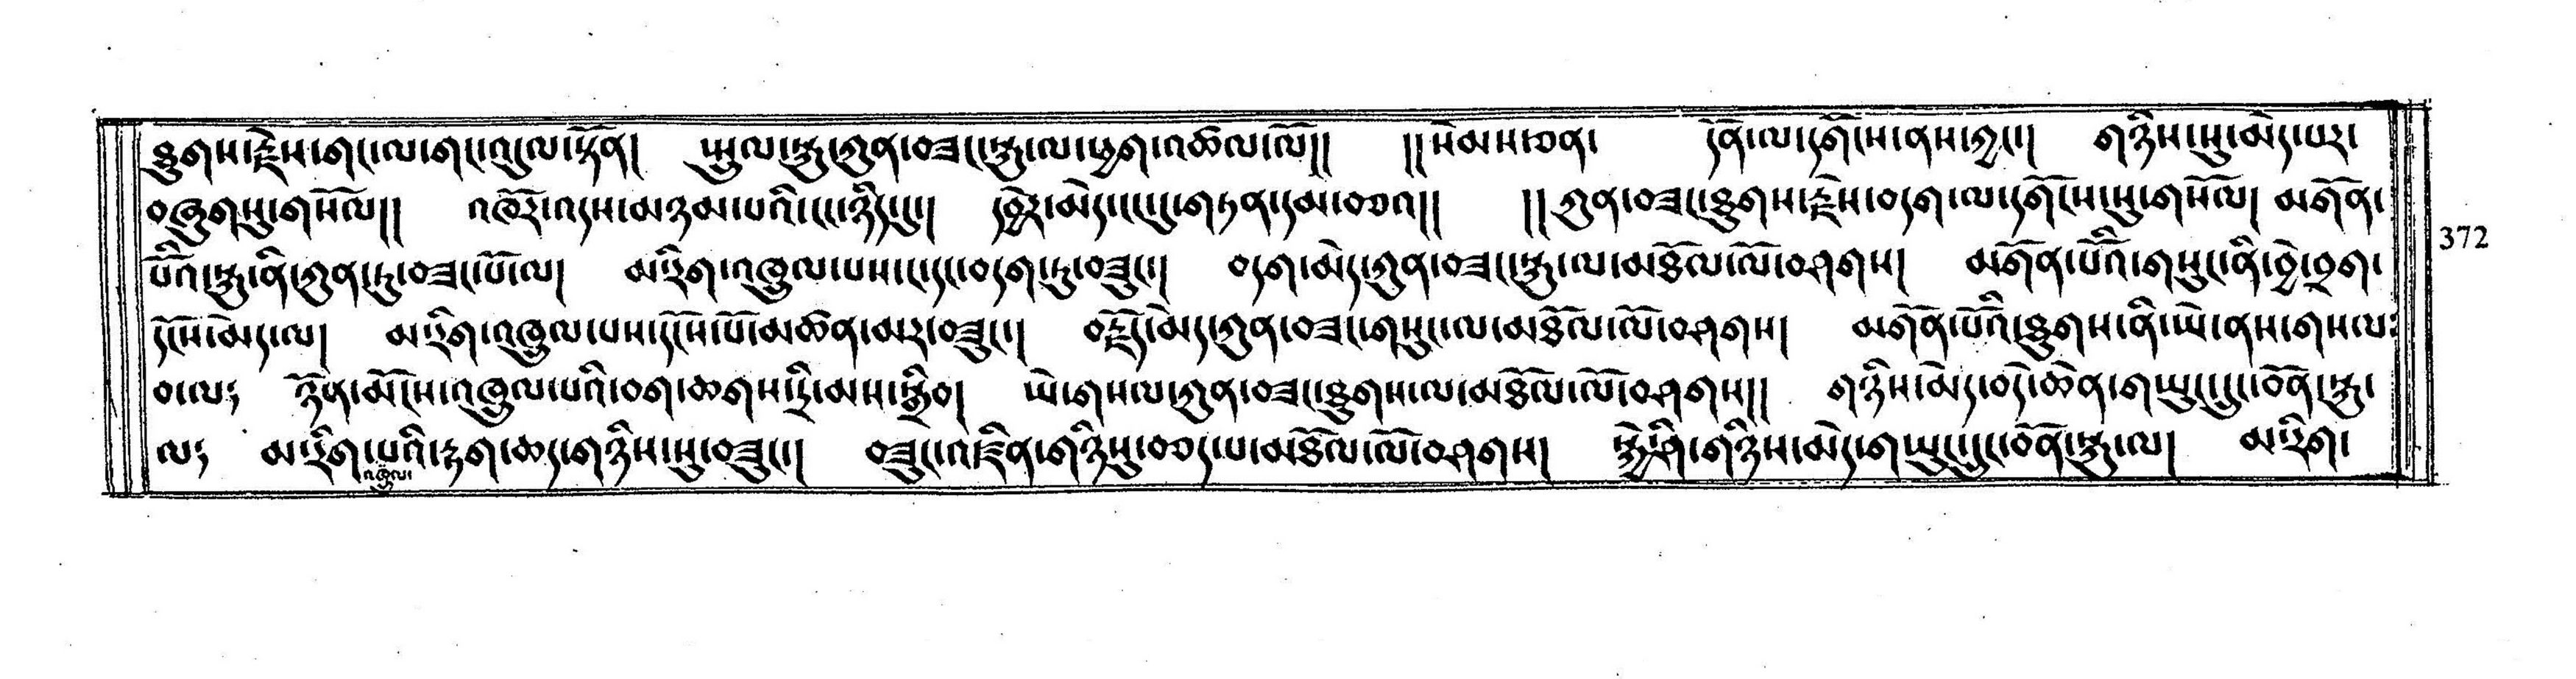ཐུགས་རྗེས་གང་ལ་གང་འདུལ་སྟོན། སྤྲུལ་སྐུ་ཀུན་བཟང་སྐུ་ལ་ཕྱག་འཚལ་ལོ།། །།སེམས་ཅན་དོན་ལ་དགོངས་ནས་ཀྱང་། གཉིས་སུ་མེད་པར་
བཞུགས་སུ་གསོལ།། འཁོར་འདས་མཉམ་པའི་ངང་ཉིད་དུ། དབྱེར་མེད་ངང་དུ་གཏན་དམ་བཅའ།། །།ཀུན་བཟང་ཐུགས་རྗེས་བདག་ལ་དགོངས་སུ་གསོལ། མགོན་
པོའི་སྐུ་ནི་ཀུན་ཏུ་བཟང་པོ་ལ། མ་རིག་འཁྲུལ་པས་ང་དང་བདག་ཏུ་བཟུང་། བདག་མེད་ཀུན་བཟང་སྐུ་ལ་མཐོལ་ལོ་བཤགས། མགོན་པོའི་གསུང་ནི་བྱེ་བྲག་
དངོས་མེད་ལ། མ་རིག་འཁྲུལ་པས་དངོས་པོ་མཚན་མར་བཟུང་། བརྗོད་མེད་ཀུན་བཟང་གསུང་ལ་མཐོལ་ལོ་བཤགས། མགོན་པོའི་ཐུགས་ནི་ཡེ་ནས་གསལ་
བ་ལ། ཉོན་མོངས་འཁྲུལ་པའི་བག་ཆགས་དྲི་མས་སྒྲིབ། ཡེ་གསལ་ཀུན་བཟང་ཐུགས་ལ་མཐོལ་ལོ་བཤགས།། གཉིས་མེད་བདེ་ཆེན་གཡུང་དྲུང་བོན་སྐུ་
ལ། མ་རིག་འཁྲུལ་པའི་རྟག་ཆད་གཉིས་སུ་བཟུང་། བཟུང་འཛིན་གཉིས་སུ་བཅད་པ་མཐོལ་ལོ་བཤགས། སྐྱེ་ཤི་གཉིས་མེད་གཡུང་དྲུང་བོན་སྐུ་ལ། མ་རིག་